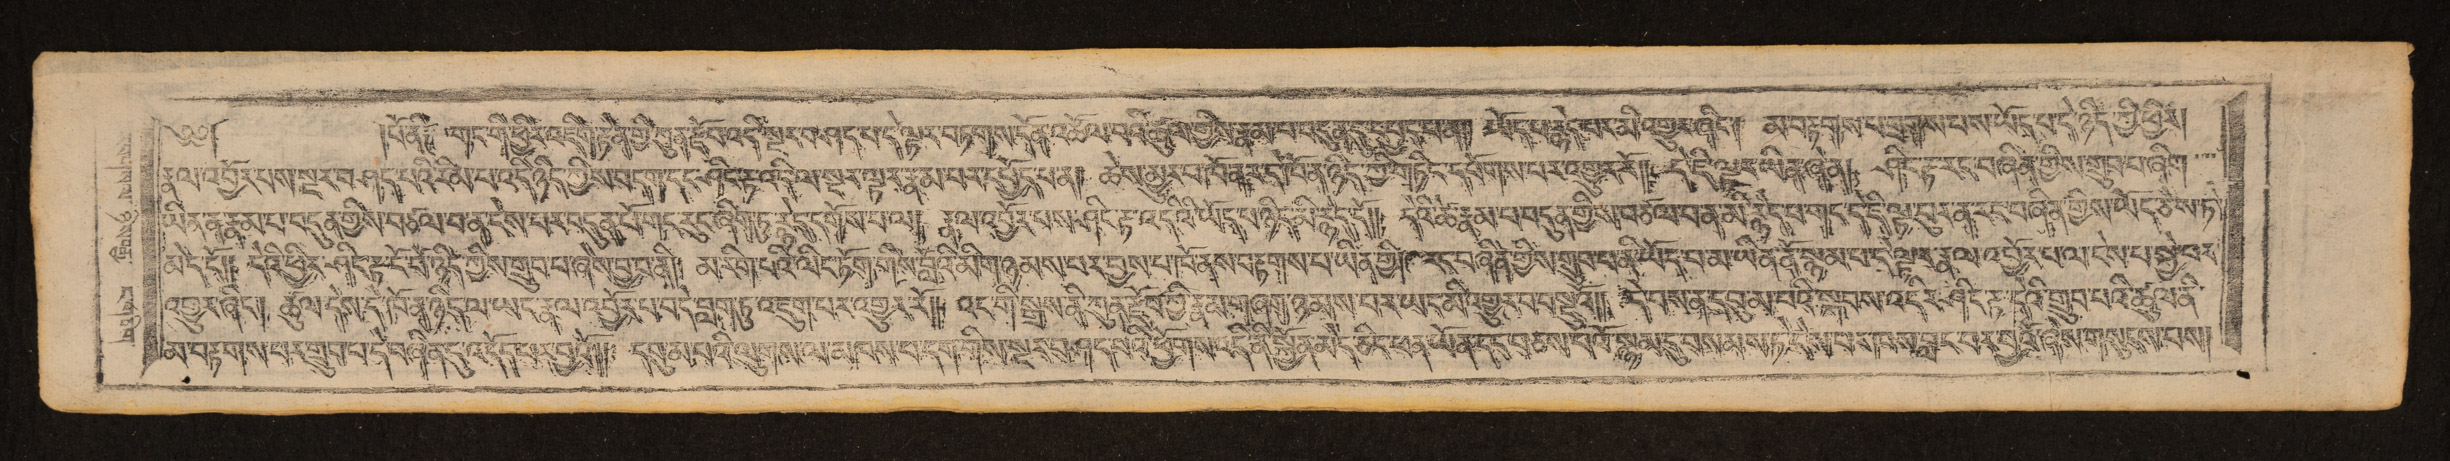༄༅། །པོ་ནི༑ གང་གི་ཕྱིར་འཇིག་རྟེན་གྱི་ཀུན་རྫོབ་འདི་སྔར་བཤད་པ་དེ་ལྟར་བཏགས་དོན་འཚོལ་བའི་ཚུལ་གྱིས་རྣམ་པ་བདུན་དུ་དཔྱད་པ་ན། ཡོད་པ་རྙེད་པར་མི་འགྱུར་ཞིང་། མ་བརྟགས་པ་གྲགས་པས་ཡོད་པ་དེ་ཉིད་ཀྱི་ཕྱིར།
རྣལ་འབྱོར་པས་སྔར་བཤད་པའི་རིམ་པ་འདི་ཉིད་ཀྱིས་བདག་དང་ཤིང་རྟ་འདི་ལ་སྔར་ལྟར་རྣམ་པར་དཔྱོད་པ་ན། ཆེས་མྱུར་བ་ཁོ་ནར་དེ་ཁོ་ན་ཉིད་ཀྱི་གཏིང་དཔོགས་པར་འགྱུར་རོ།། དེ་ཇི་ལྟར་ཡིན་ཞེ་ན། ཤིང་རྟ་རང་བཞིན་གྱིས་གྲུབ་པ་ཞིག་
ཡིན་ན་རྣམ་པ་བདུན་གྱིས་བཙལ་བ་ན་ངེས་པར་བདུན་པོ་གང་རུང་ཞིག་ཏུ་རྙེད་དགོས་པ་ལ། རྣལ་འབྱོར་པས་ཤིང་རྟ་འདིའི་ཡོད་པ་ཉིད་མི་རྙེད་དོ།། དེའི་ཚེ་རྣམ་པ་བདུན་གྱིས་བཙལ་བ་ན་མི་རྙེད་པ་གང་དེ་ཇི་ལྟ་བུར་ན་རང་བཞིན་གྱིས་ཡོད་ཅེས་ཏེ་
མེད་དོ།། དེའི་ཕྱིར་ཤིང་རྟ་ངོ་བོ་ཉིད་ཀྱིས་གྲུབ་པ་ཞེས་བྱ་བ་ནི། མ་རིག་པའི་ལིང་ཏོག་གིས་བློའི་མིག་ཉམས་པར་བྱས་པ་ཁོ་ནས་བརྟགས་པ་ཡིན་གྱི། རང་བཞིན་གྱིས་གྲུབ་པ་ནི་ཡོད་པ་མ་ཡིན་ནོ་སྙམ་པ་དེ་ལྟར་རྣལ་འབྱོར་པ་ལ་ངེས་པ་སྐྱེ་བར་
འགྱུར་ཞིང་། ཚུལ་དེས་དེ་ཁོ་ན་ཉིད་ལ་ཡང་རྣལ་འབྱོར་པ་བདེ་བླག་ཏུ་འཇུག་པར་འགྱུར་རོ།། འང་གི་སྒྲས་ནི་ཀུན་རྫོབ་ཀྱི་རྣམ་གཞག་ཉམས་པར་ཡང་མི་འགྱུར་བ་བསྡུའོ།། དེ་བས་ན་དབུ་མ་པའི་སྐབས་འདིར་ཤིང་རྟ་དེའི་གྲུབ་པའི་ཚུལ་ནི་
མ་བརྟགས་པར་གྲུབ་པ་དེ་བཞིན་དུ་འདོད་པར་བྱའོ།། དབུ་མ་པའི་ལུགས་ལ་མཁས་པ་དག་གིས་སྔར་བཤད་པའི་ཕྱོགས་འདི་ནི་སྐྱོན་མེད་ཅིང་ཕན་ཡོན་དང་བཅས་པའོ་སྙམ་དུ་བསམས་ཏེ་ངེས་པར་ཁས་བླང་བར་བྱའོ་ཞེས་གསུངས་པས།